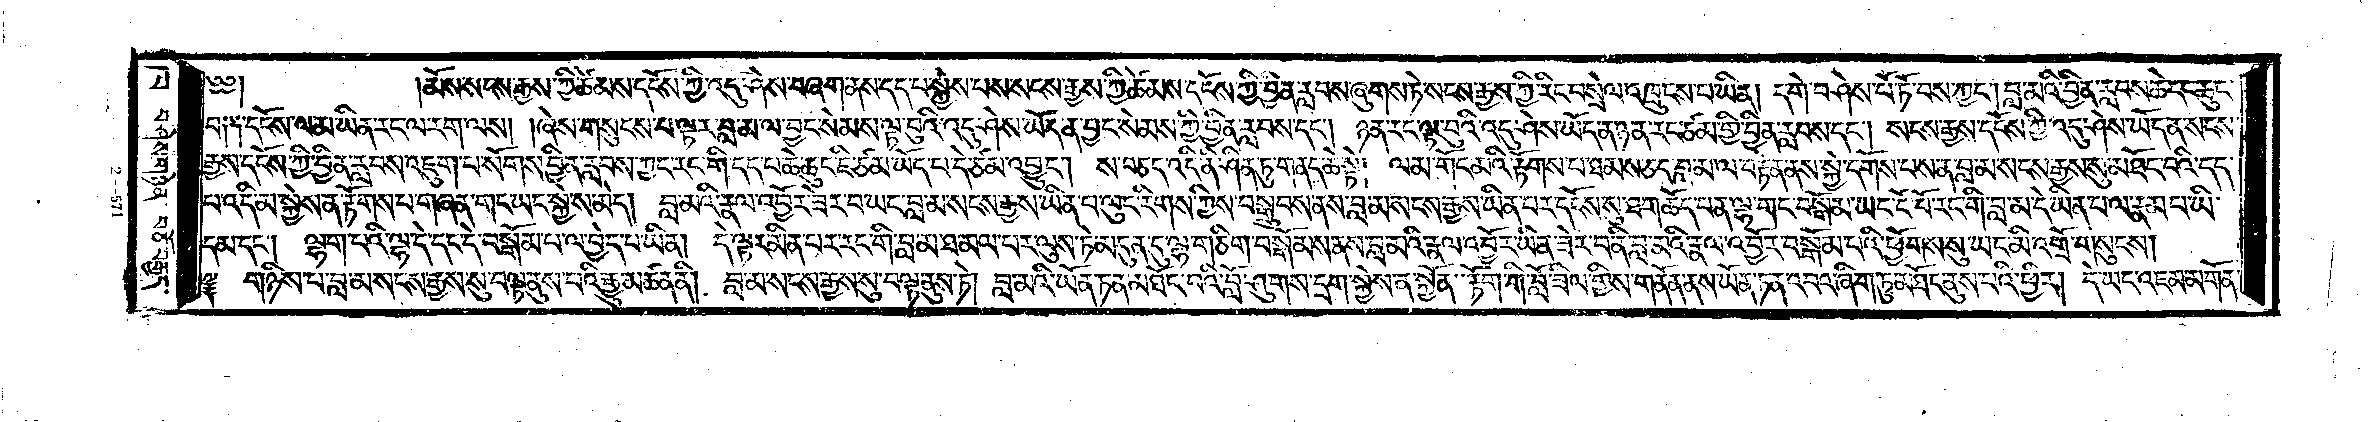༄༅། །མོས་སངས་རྒྱས་ཀྱི་ཚེ་མས་དངོས་ཀྱི་འདུ་ཤེས་བཞག་ནས་དད་པ་སྐྱེས་པས་སངས་རྒྱས་ཀྱི་ཚེམས་དངོས་ཀྱི་བྱིན་རླབས་ཞུགས་ཏེ་སངས་རྒྱས་ཀྱི་རིང་བསྲེལ་འཁྲུངས་པ་ཡིན། དགེ་བཤེས་པོ་ཏོ་བས་ཀྱང་།བླ་མའི་བྱིན་རླབས་ཆེ་དང་ཆུང་
བ༑ ༑དངོས་ལམ་ཡིན་རང་ལ་རག་ལས། །ཞེས་གསུངས་པ་ལྟར་བླ་མ་ལ་བྱང་སེམས་ལྟ་བུའི་འདུ་ཤེས་ཡོད་ན་བྱང་སེམས་ཀྱི་བྱིན་རླབས་དང་། ཉན་རང་ལྟ་བུའི་འདུ་ཤེས་ཡོད་ན་ཉན་རང་ཙམ་གྱི་བྱིན་རླབས་དང་། སངས་རྒྱས་དངོས་ཀྱི་འདུ་ཤེས་ཡོད་ན་སངས་
རྒྱས་དངོས་ཀྱི་བྱིན་རླབས་འཇུག་པ་སོགས་བྱིན་རླབས་ཀྱང་རང་གི་དད་པ་ཆེ་ཆུང་ཇི་ཙམ་ཡོད་པ་དེ་ཙམ་འབྱུང་། ས་བཅད་འདི་ནི་ཤིན་ཏུ་གནད་ཆེ་སྟེ། ལམ་གོང་མའི་རྟོགས་པ་ཐམས་ཅད་བླ་མ་ལ་བརྟེན་ནས་སྐྱེ་དགོས་པས་ན་བླ་མ་སངས་རྒྱས་སུ་མཐོང་བའི་དད་
པ་འདི་མ་སྐྱེས་ན་རྟོགས་པ་གཞན་གང་ཡང་སྐྱེས་མེད། བླ་མའི་རྣལ་འབྱོར་ཟེར་བ་ཡང་བླ་མ་སངས་རྒྱས་ཡིན་པ་ལུང་རིགས་ཀྱིས་བསྒྲུབས་ནས་བླ་མ་སངས་རྒྱས་ཡིན་པར་དངོས་སུ་ཐག་ཆོད་པ་ན་ལྷ་གང་བསྒོམ་ཡང་ངོ་བོ་རང་གི་བླ་མ་དེ་ཡིན་པ་ལ་རྣམ་པ་ཡི་
དམ་དང་། ལྷག་པའི་ལྷ་དེ་དང་དེ་བསྒོམ་པ་ལ་བྱེད་པ་ཡིན། དེ་ལྟར་མིན་པར་རང་གི་བླ་མ་ཐ་མལ་པར་ལུས་ཏེ་མདུན་དུ་ལྷ་གཅིག་བསྒོམས་ནས་བླ་མའི་རྣལ་འབྱོར་ཡིན་ཟེར་བ་ནི་བླ་མའི་རྣལ་འབྱོར་བསྒོམ་པའི་ཕྱོགས་སུ་ཡང་མི་འགྲོ་གསུངས།
༈ གཉིས་པ་བླ་མ་སངས་རྒྱས་སུ་བལྟ་ནུས་པའི་རྒྱུ་མཚན་ནི། བླ་མ་སངས་རྒྱས་སུ་བལྟ་ནུས་ཏེ། བླ་མའི་ཡོན་ཏན་མཐོང་བའི་བློ་ཤུགས་དྲག་སྐྱེས་ན་སྐྱོན་རྟོག་གི་བློ་ཟིལ་གྱིས་གནོན་ནས་ཡོན་ཏན་འབའ་ཞིག་ཏུ་མཐོང་ནུས་པའི་ཕྱིར། དེ་ཡང་འཇམ་མགོན་